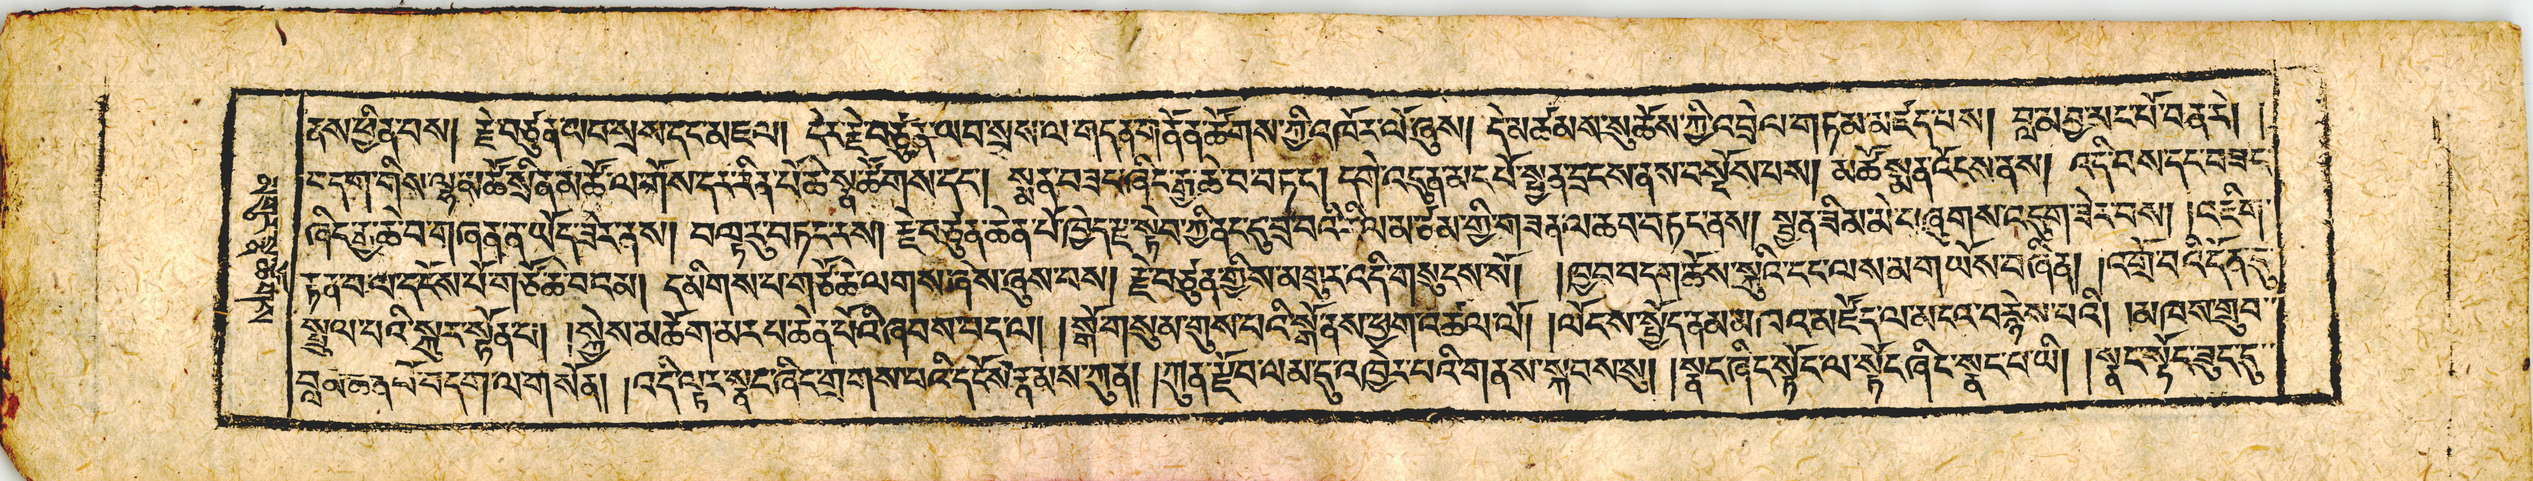ནས་ཕྱིན་པས། རྗེ་བཙུན་ཡབ་སྲས་དང་མཇལ། དེར་རྗེ་བཙུན་ཡབ་སྲས་ལ་གདན་གནོན་ཚོགས་ཀྱི་འཁོར་ལོ་ཞུས། དེ་མཚམས་སུ་ཆོས་ཀྱི་འབྲེལ་གཏམ་མཛད་པས། བླ་མ་བྱ་མང་པོ་བ་ན་རེ། །
ང་དག་གིས་ལྷ་མཚོ་སྲིན་མཚོ་ལ་གོས་དར་རིན་པོ་ཆེ་སྣ་ཚོགས་དང་། སྨན་བཟང་ཞིང་རྒྱ་ཆེ་བ་བཏང་། དགེ་འདུན་མང་པོ་སྤྱན་དྲངས་ནས་བསྔོས་པས། མཚོ་སྨན་འོངས་ནས། འདི་བས་དང་བཟང་
ཞིང་རྒྱ་ཆེ་བ་གཞན་ན་ཡོད་ཟེར་ནས། བལྟ་རུ་བཏང་བས། རྗེ་བཙུན་ཆེན་པོ་ཁྱེད་རྫ་སྟེབ་ཀྱི་ནང་དུ་བྲ་བའི་རིལ་མ་ཙམ་གྱི་གཟན་ལ་ཆབ་བཏང་ནས། སྤྱན་ཟིམ་མེ་བཞུགས་འདུག་ཟེར་བས། །འཇིག་
རྟེན་པ་ལ་དངོས་པོ་གཙོ་ཆེ་བའམ། དམིགས་པ་གཙོ་ཆེ་ལགས་ཞེས་ཞུས་པས། རྗེ་བཙུན་གྱིས་མགུར་འདི་གསུངས་སོ། ཁྱབ་བདག་ཆོས་སྐུའི་ངང་ལས་མ་གཡོས་བཞིན། །འགྲོ་བའི་དོན་དུ་
སྤྲུལ་པའི་སྐུར་སྟོན་པ། །སྐྱེས་མཆོག་མར་པ་ཆེན་པོའི་ཞབས་པད་ལ། །སྒོ་གསུམ་གུས་པའི་སྒོ་ནས་ཕྱག་འཚལ་ལོ། །ལོངས་སྤྱོད་ནམ་མཁའ་མཛོད་ལ་མངའ་བརྙེས་པའི། །མཁས་གྲུབ་
བླ་མ་ཆེན་པོ་བདག་ལ་གསོན། །འདི་ལྟར་སྣང་ཞིང་གྲགས་པའི་དངོས་རྣམས་ཀུན། །ཀུན་རྫོབ་ལམ་དུ་འཁྱེར་བའི་གནས་སྐབས་སུ། །སྣང་ཞིང་སྟོང་ལ་སྟོང་ཞིང་སྣང་བ་ཡི། །སྣང་སྟོང་ཟུང་དུ་